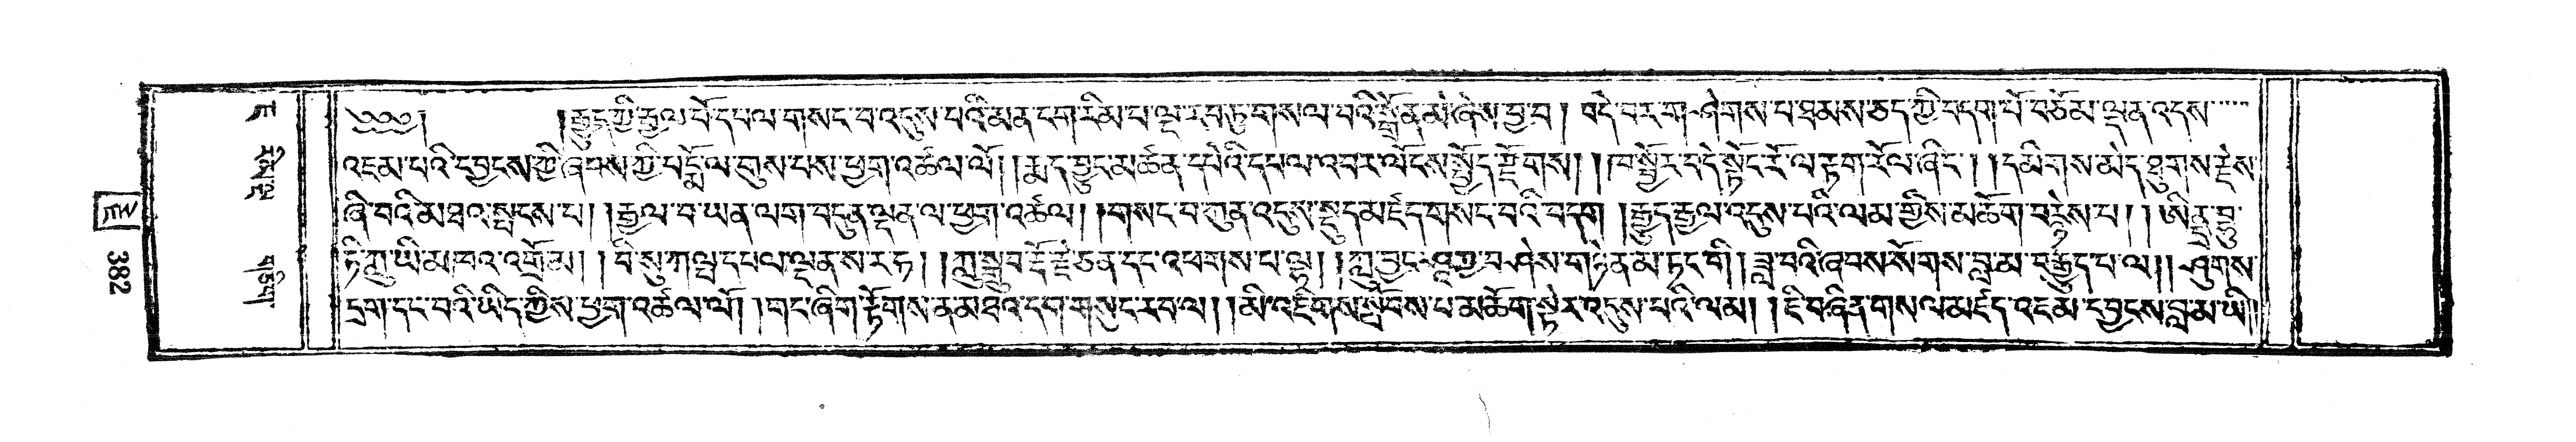༄༅། །རྒྱུད་ཀྱི་རྒྱལ་པོ་དཔལ་གསང་བ་འདུས་པའི་མན་ངག་རིམ་པ་ལྔ་རབ་ཏུ་གསལ་བའི་སྒྲོན་མེ་ཞེས་བྱ་བ། བདེ་བར་གཤེགས་པ་ཐམས་ཅད་ཀྱི་བདག་པོ་བཅོམ་ལྡན་འདས་
འཇམ་པའི་དབྱངས་ཀྱི་ཞབས་ཀྱི་པདམོ་ལ་གུས་པས་ཕྱག་འཚལ་ལོ། །རྨད་བྱུང་མཚན་དཔེའི་དཔལ་འབར་ལོངས་སྤྱོད་རྫོགས། །ཁ་སྦྱོར་བདེ་སྟོང་རོ་ལ་རྟག་རོལ་ཞིང་། །དམིགས་མེད་ཐུགས་རྗེས་
ཞི་བའི་མཐའ་སྤངས་པ། །རྒྱལ་བ་ཡན་ལག་བདུན་ལྡན་ལ་ཕྱག་འཚལ། །གསང་བ་ཀུན་འདུས་སྡུད་མཛད་གསང་བའི་བདག །རྒྱུད་རྒྱལ་འདུས་པའི་ལམ་གྱིས་མཆོག་བརྙེས་པ། །ཨིནྡྲ་བྷུ་
ཏི་ཀླུ་ཡི་མཁའ་འགྲོ་མ། །བི་སུ་ཀ་ལྤ་དཔལ་ལྡན་ས་ར་ཧ། །ཀླུ་སྒྲུབ་རྡོ་རྗེ་ཅན་དང་འཕགས་པ་ལྷ། །ཀླུ་བྱང་ཤཱཀྱ་བཤེས་གཉེན་མ་ཏང་གི །ཟླ་བའི་ཞབས་སོགས་བླ་མ་བརྒྱུད་པ་ལ། །ཤུགས་
དྲག་དང་བའི་ཡིད་ཀྱིས་ཕྱག་འཚལ་ལོ། །གང་ཞིག་རྟོགས་ན་མཐའ་དག་གསུང་རབ་ལ། །མི་འཇིགས་སྤོབས་པ་མཆོག་སྟེར་འདུས་པའི་ལམ། །ཇི་བཞིན་གསལ་མཛད་འཇམ་དབྱངས་བླ་མ་ཡི།།